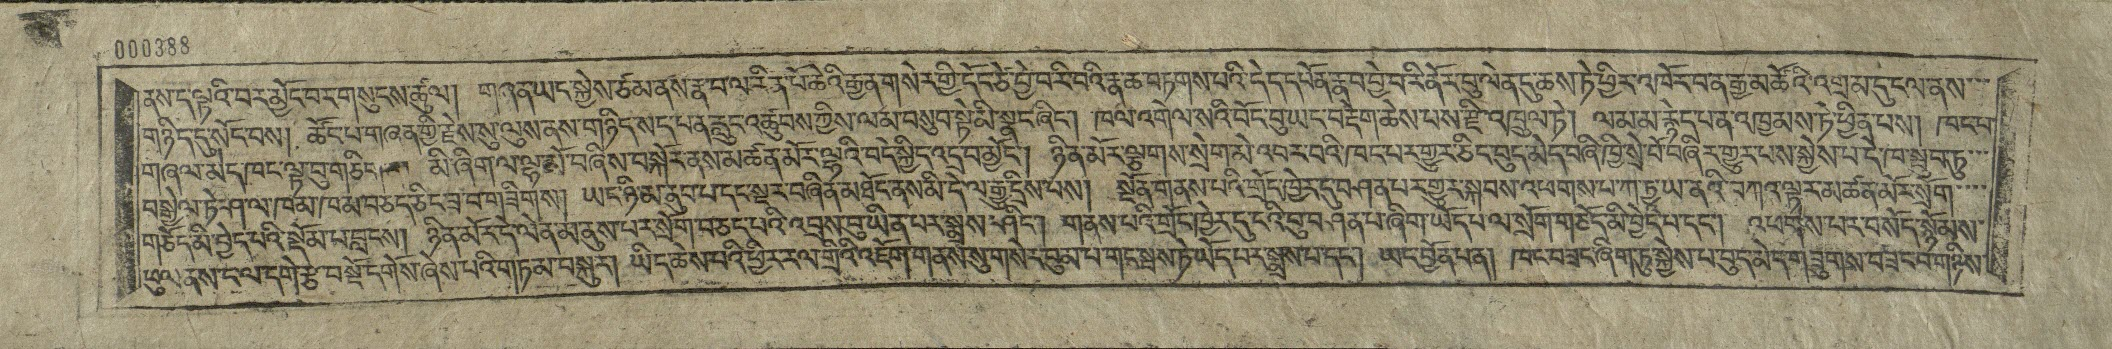ནས་ད་ལྟའི་བར་མྱོང་བར་གསུངས་ཚུལ། གཞན་ཡང་སྐྱེས་ཙམ་ནས་རྣ་བ་ལ་རིན་པོ་ཆེའི་རྒྱན་གསེར་གྱི་དོང་ཙེ་བྱེ་བ་རི་བའི་རྣ་ཆ་བཏགས་པའི་དེད་དཔོན་རྣ་བ་བྱེ་བ་རི་ནོར་བུ་ལེན་དུ་ཆས་ཏེ་ཕྱིར་འཁོར་བ་ན་རྒྱ་མཚོའི་འགྲམ་དུ་ངལ་ནས་
གཉིད་དུ་སོང་བས། ཚོང་པ་གཞན་གྱི་རྗེས་སུ་ལུས་ནས་གཉིད་སད་པ་ན་རླུང་འཚུབས་ཀྱིས་ལམ་བསུབ་སྟེ་མི་སྣང་ཞིང་། ཁལ་འགེལ་སའི་བོང་བུ་ཡང་བརྡེག་ཆེས་པས་རྫི་འཁྲུལ་ཏེ། ལམ་མ་རྙེད་པ་ན་འཁྱམས་ཏེ་ཕྱིན་པས། ཁང་པ་
གཞལ་མེད་ཁང་ལྟ་བུ་གཅིག་ན། མི་ཞིག་ལ་ལྷ་མོ་བཞིས་བསྐོར་ནས་མཚན་མོར་ལྷའི་བདེ་སྐྱིད་འདྲ་བ་མྱོང་། ཉིན་མོར་ལྕགས་སྲེག་མེ་འབར་བའི་ཁང་པར་གྱུར་ཅིང་བུད་མེད་བཞི་ཁྱི་སྲེ་བོ་བཞིར་གྱུར་པས་སྐྱེས་པ་དེ་ཁ་སྦུབ་ཏུ་
བསྒྱེལ་ཏེ་ཤ་ལ་ཁམ་ཁམ་བཅད་ཅིང་ཟ་བ་གཟིགས། ཡང་ཉི་མ་ནུབ་པ་དང་སྔར་བཞིན་མཐོང་ནས་མི་དེ་ལ་རྒྱུ་དྲིས་པས། སྔོན་གནས་པའི་གྲོང་ཁྱེར་དུ་བཤན་པར་གྱུར་སྐབས་འཕགས་པ་ཀ་ཏྱཱ་ཡ་ནའི་བཀའ་ལྟར་མཚན་མོར་སྲོག་
གཅོད་མི་བྱེད་པའི་སྡོམ་པ་བླངས། ཉིན་མོར་དེ་ལེན་མ་ནུས་པར་སྲོག་བཅད་པའི་འབྲས་བུ་ཡིན་པར་སྨྲས་ཤིང་། གནས་པའི་གྲོང་ཁྱེར་དུ་ངའི་བུ་བཤན་པ་ཞིག་ཡོད་པ་ལ་སྲོག་གཅོད་མི་བྱེད་པ་དང་། འཕགས་པར་བསོད་སྙོམས་
ཕུལ་ནས་ང་ལ་དགེ་རྩ་བསྔོ་དགོས་ཞེས་པའི་གཏམ་བསྐུར། ཡིད་ཆེས་པའི་ཕྱིར་རལ་གྲིའི་འཇོག་གནས་སུ་གསེར་བུམ་པ་གང་སྦས་ཏེ་ཡོད་པར་སྨྲས་པ་དང་། ཡང་བྱོན་པ་ན། ཁང་བཟང་ཞིག་ཏུ་སྐྱེས་པ་བུད་མེད་གཟུགས་བཟང་བ་གཉིས་